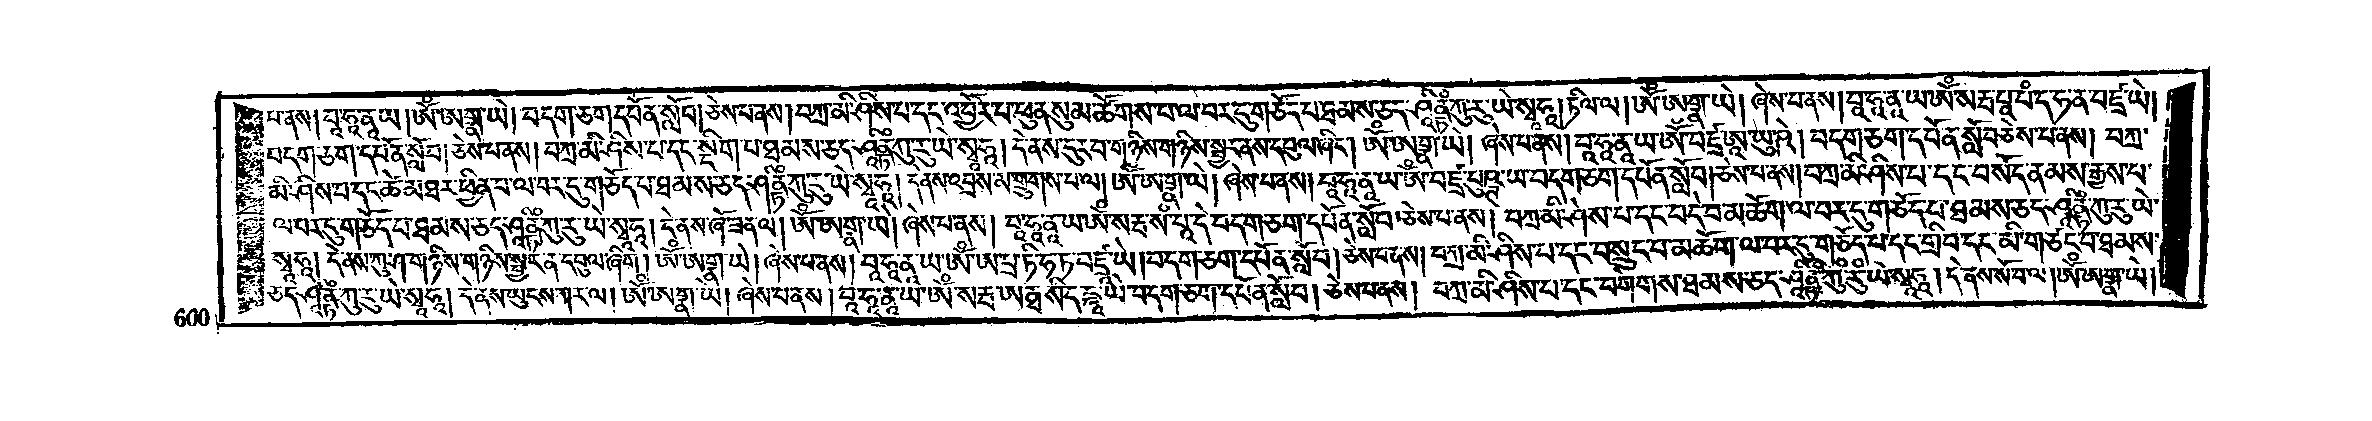པ་ནས། བཱ་ཧཱ་ནཱ་ཡ། ཨོཾ་ཨགྣ་ཡེ། བདག་ཅག་དཔོན་སློབ། ཅེས་པ་ནས། བཀྲ་མི་ཤིས་པ་དང་འབྱོར་བ་ཕུན་སུམ་ཚོགས་པ་ལ་བར་དུ་གཅོད་པ་ཐམས་ཅད་ཤཱིནྟཾ་ཀུ་རུ་ཡེ་སVའ་ཧཱ། ཏིལ་ལ། ཨོཾ་ཨགྣ་ཡེ། ཞེས་པ་ནས། བཱ་ཧཱ་ནཱ་ཡ་ཨོཾ་སྲྦ་པཱ་བཾ་ད་ཧ་ན་བྫྲ་ཡེ།
བདག་ཅག་དཔོན་སློབ། ཅེས་པ་ནས། བཀྲ་མི་ཤིས་པ་དང་སྡིག་པ་ཐམས་ཅད་ཤཱིནྟཾ་ཀུ་རུ་ཡེ་སའVའ་ཧཱ། དེ་ནས་དུར་བ་གཉིས་གཉིས་སྦྱར་ནས་དབུལ་ཞིང་། ཨོཾ་ཨགྣ་ཡེ། ཞེས་པ་ནས། བཱ་ཧཱ་ནཱ་ཡ་ཨོཾ་བྫྲ་ཨཱ་ཡུ་ཥེ། བདག་ཅག་དཔོན་སློབ་ཅེས་པ་ནས། བཀྲ་
མི་ཤིས་པ་དང་ཚེ་མཐར་ཕྱིན་པ་ལ་བར་དུ་གཅོད་པ་ཐམས་ཅད་ཤཱིནྟཾ་ཀུ་རུ་ཡེ་སVའ་ཧཱ། དེ་ནས་འབྲས་མ་གྲུགས་པ་ལ། ཨོཾ་ཨགྣ་ཡེ། ཞེས་པ་ནས། བཱ་ཧཱ་ནཱ་ཡ་ཨོཾ་བྫྲ་པུཥཊ་ཡ་བདག་ཅག་དཔོན་སློབ། ཅེས་པ་ནས། བཀྲ་མི་ཤིས་པ་དང་བསོད་ནམས་རྒྱས་པ་
ལ་བར་དུ་གཅོད་པ་ཐམས་ཅད་ཤཱིནྟཾ་ཀུ་རུ་ཡེ་སVའ་ཧཱ། དེ་ནས་ཞོ་ཟན་ལ། ཨོཾ་ཨགྣ་ཡེ། ཞེས་པ་ནས། བཱ་ཧཱ་ནཱ་ཡ་ཨོཾ་སྲྦསཾ་པཱ་དེ་བདག་ཅག་དཔོན་སློབ་ཅེས་པ་ནས། བཀྲ་མི་ཤེས་པ་དང་བདེ་བ་མཆོག་ལ་བར་དུ་གཅོད་པ་ཐམས་ཅད་ཤཱིནྟཾ་ཀུ་རུ་ཡེ་
སVའ་ཧཱ། དེ་ནས་ཀུ་ཤ་གཉིས་གཉིས་སྦྱར་ན་དབུལ་ཞིག །ཨོཾ་ཨགྣ་ཡེ། ཞེས་པ་ནས། བཱ་ཧཱ་ནཱ་ཡ་ཨོཾ་ཨ་པྲ་ཏི་ཧ་ཏ་བྫར་ཡེ། བདག་ཅག་དཔོན་སློབ། ཅེས་པ་ནས། བཀྲ་མི་ཤིས་པ་དང་བསྲུང་པ་མཆོག་ལ་བར་དུ་གཅོད་པ་དང་གྲིབ་དང་མི་གཙང་བ་ཐམས་
ཅད་ཤཱིནྟཾ་ཀུ་རུ་ཡེ་སVའ་ཧཱ། དེ་ནས་ཡུངས་ཀར་ལ། ཨོཾ་ཨགན་ཡེ། ཞེས་པ་ནས། བཱ་ཧཱ་ནཱ་ཡ་ཨོཾ་སྲྦ་ཨརྠ་སིད་དྷཱ་ཡེ་བདག་ཅག་དཔོན་སློབ། ཅེས་པ་ནས། བཀྲ་མི་ཤིས་པ་དང་བགེགས་ཐམས་ཅད་ཤཱིནྟཾ་ཀུ་རུ་ཡེ་སVའ་ཧཱ། དེ་ནས་སོ་བ་ལ། ཨོཾ་ཨགྣ་ཡེ།